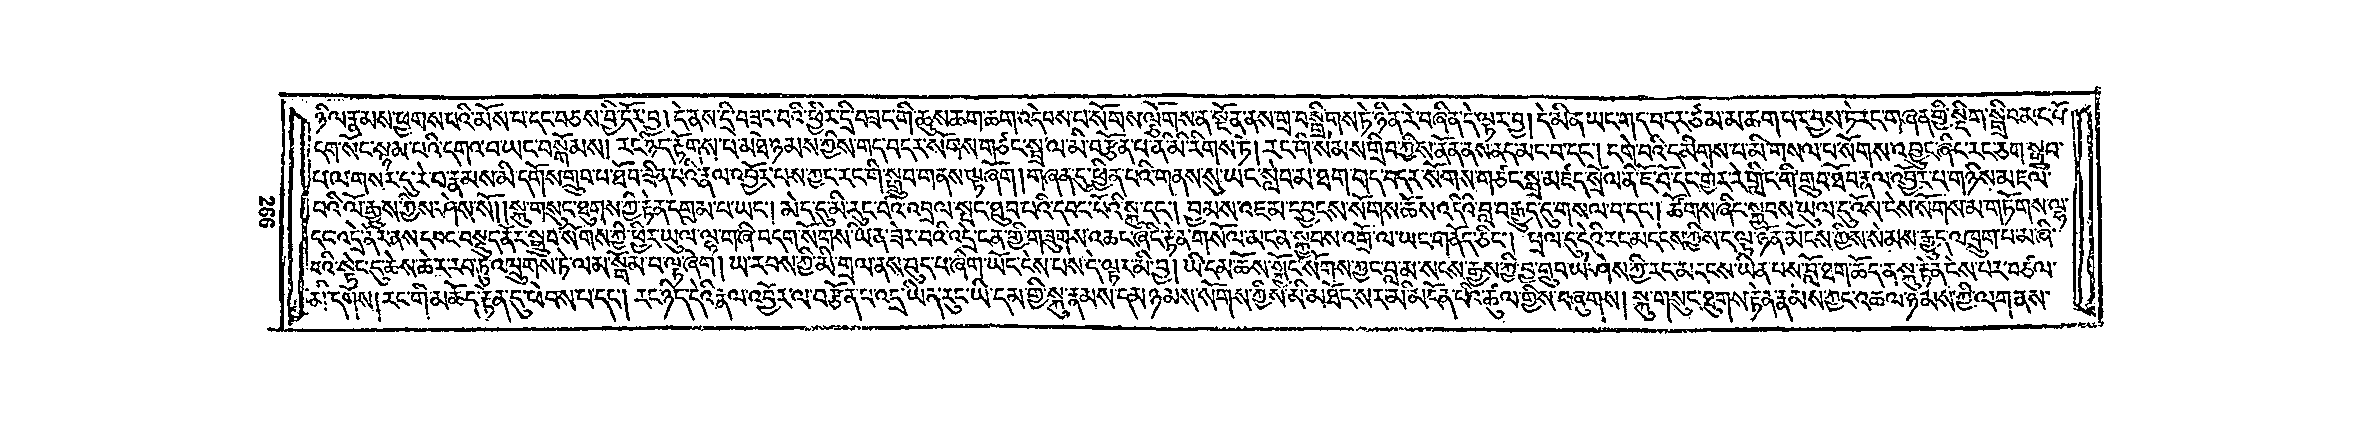ཉིལ་རྣམས་ཕྱགས་པའི་མོས་པ་དང་བཅས་བྱི་དོར་བྱ། དེ་ནས་དྲི་བཟང་བའི་ཕྱིར་དྲི་བཟང་གི་ཆུས་ཆག་ཆག་འདེབས་པ་སོགས་ལྕོགས་ན་སྔོན་ནས་གྲ་བསྒྲིགས་ཏེ་ཉིན་རེ་བཞིན་དེ་ལྟར་བྱ། དེ་མིན་ཡང་གད་བདར་ཙམ་མ་ཆག་པར་བྱས་ཏེ་རང་གཞན་གྱི་སྡིག་སྒྲིབ་མང་པོ་
དག་སོང་སྙམ་པའི་དགའ་བ་ཡང་བསྒོམས། རང་ཉིད་རྟོགས་པ་མཐེ་ཉམས་ཀྱིས་གད་བདར་སོགས་གཙང་སྦྲ་ལ་མི་བརྩོན་པ་ནི་མི་རིགས་ཏེ། རང་གི་སེམས་གྲིབ་ཀྱིས་ནོན་ནས་ནད་མང་བ་དང་། དགེ་བའི་དམིགས་པ་མི་གསལ་པ་སོགས་འབྱུང་ཞིང་རང་ཅག་སྒྲུབ་
པ་ལ་གསར་དུ་རེ་བ་རྣམས་མི་དགོས་གྲུབ་པ་ཐོབ་ཟིན་པའི་རྣལ་འབྱོར་པས་ཀྱང་རང་གི་སྒྲུབ་གནས་ལྟ་ཞོག །གཞན་དུ་ཕྱིན་པའི་གནས་སུ་ཡང་སླེབ་མ་ཐག་གད་བདར་སོགས་གཙང་སྦྲ་མཛད་སྲོལ་ནི་ཇོ་བོ་དང་གྱེར་རེ་གླིང་གི་གྲུབ་ཐོབ་རྣལ་འབྱོར་པ་གཉིས་མཇལ་
བའི་ལོ་རྒྱུས་ཀྱིས་ཤེས་སོ། །སྐུ་གསུང་ཐུགས་ཀྱི་རྟེན་དགྲམ་པ་ཡང་། མེད་དུ་མི་རུང་བའི་འབྲལ་སྤང་ཐུབ་པའི་དབང་པོའི་སྐུ་དང་། བྱམས་འཇམ་དབྱངས་སོགས་ཆོས་འདིའི་བླ་བརྒྱུད་དུ་གསལ་བ་དང་། ཚོགས་ཞིང་སྐྱབས་ཡུལ་དུ་འོས་ངེས་སོགས་མ་གཏོགས་ལྷ་
དང་འདྲེ་ནོར་ནས་དབང་བསྡུད་ནོར་སྒྲུབ་སོགས་ཀྱི་ཕྱིར་ཡུལ་ལྷ་གཞི་བདག་སོགས་ཡིན་ཟེར་བའི་འདྲེ་ངན་གྱི་གཟུགས་འཆང་ཞིང་རྟེན་གསོལ་མང་ན་སྐྱབས་འགྲོ་ལ་ཡང་གནོད་ཅིང་། ཕྲལ་དུ་དེའི་རང་མདངས་ཀྱིས་ད་ལྟ་ཉོན་མོངས་ཀྱིས་སེམས་རྒྱུད་འཁྲུག་པ་མ་ཞི་
བའི་སྟེང་དུ་ཆེས་ཆེར་རབ་ཏུ་འཁྲུགས་ཏེ་ལམ་སྒོམ་པ་ལྟ་ཞོག །ཡ་རབས་ཀྱི་མི་གྲལ་ནས་བུད་པ་ཞིག་ཡོང་ངེས་པས་དེ་ལྟར་མི་བྱ། ཡི་དམ་ཆོས་སྐྱོང་སོགས་ཀྱང་བླ་མ་སངས་རྒྱས་ཀྱི་བྱ་གྲུབ་ཡེ་ཤེས་ཀྱི་རང་མདངས་ཡིན་པས་བློ་ཐག་ཆོད་ན་སྐུ་རྟེན་ངེས་པར་བཙལ་
མི་དགོས། རང་གི་མཆོད་རྟེན་དུ་ཕེབས་པ་དང་། རང་ཉིད་དེའི་རྣལ་འབྱོར་ལ་བརྩོན་པ་འདྲ་ཡིན་རུང་ཡི་དམ་གྱི་སྐུ་རྣམས་དམ་ཉམས་སོགས་ཀྱིས་མི་མཐོང་སར་མི་མངོན་པའི་ཚུལ་གྱིས་བཞུགས། སྐུ་གསུང་ཐུགས་རྟེན་རྣམས་ཀྱང་འཆལ་ཉམས་ཀྱི་ལག་ནས་